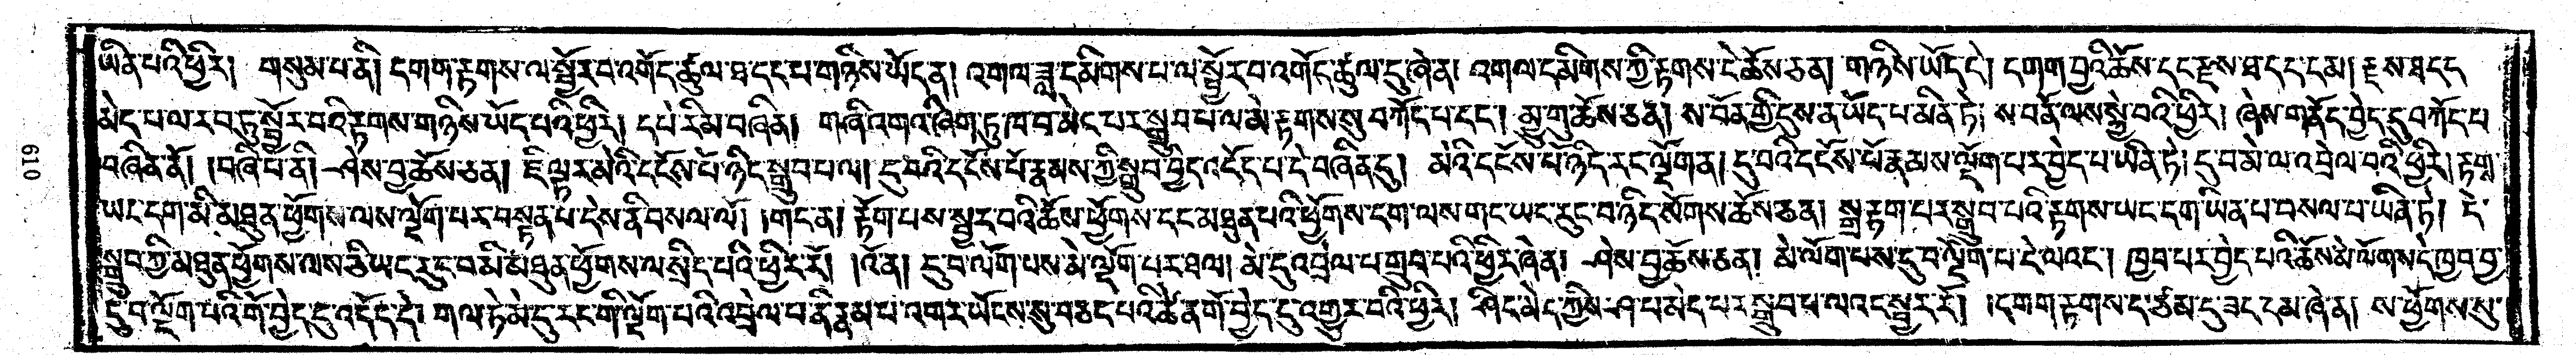ཡིན་པའི་ཕྱིར། གསུམ་པ་ནི། དགག་རྟགས་ལ་སྦྱོར་བ་འགོད་ཚུལ་ཐ་དད་པ་གཉིས་ཡོད་ན། འགལ་ཟླ་དམིགས་པ་ལ་སྦྱོར་བ་འགོད་ཚུལ་དུ་ཞེ་ན། འགལ་དམིགས་ཀྱི་རྟགས་ངེ་ཆོས་ཅན། གཉིས་ཡོད་དེ། དགག་བྱའི་ཆོས་དང་རྫས་ཐ་དད་དམ། རྫས་ཐ་དད་
མེད་པ་ལ་རབ་ཏུ་སྦྱོར་བའི་རྟགས་གཉིས་ཡོད་པའི་ཕྱིར། དཔེ་རིམ་བཞིན། གཞི་འགའ་ཞིག་ཏུ་ཁ་བ་མེད་པར་སྒྲུབ་པ་ལ་མེ་རྟགས་སུ་བཀོད་པ་དང་། མྱུ་གུ་ཆོས་ཅན། ས་བོན་གྱི་དུས་ན་ཡོད་པ་མིན་ཏེ། ས་བོན་ལས་སྐྱེ་བའི་ཕྱིར། ཞེས་གནོད་བྱེད་དུ་བཀོད་པ་
བཞིན་ནོ། །བཞི་པ་ནི། ཤེས་བྱ་ཆོས་ཅན། ཇི་ལྟར་མེའི་དངོས་པོ་ཉིད་སྒྲུབ་པ་ལ། དུ་བའི་དངོས་པོ་རྣམས་ཀྱི་སྒྲུབ་བྱེད་འདོད་པ་དེ་བཞིན་དུ། མེའི་དངོས་པོ་ཉིད་རང་ལྡོག་ན། དུ་བའི་དངོས་པོ་རྣམས་ལྡོག་པར་བྱེད་པ་ཡིན་ཏེ། དུ་བ་མེ་ལ་འབྲེལ་བའི་ཕྱིར། རྟགས་
ཡང་དག་མི་མཐུན་ཕྱོགས་ལས་ལྡོག་པར་བསྟན་པ་དེས་ནི་བསལ་ལོ། །གང་ན། རྟོག་པས་སྦྱར་བའི་ཆོས་ཕྱོགས་དང་མཐུན་པའི་ཕྱོགས་དག་ལས་གང་ཡང་རུང་བ་ཉིད་སོགས་ཆོས་ཅན། སྒྲ་རྟག་པར་སྒྲུབ་པའི་རྟགས་ཡང་དག་ཡིན་པ་བསལ་པ་ཡིན་ཏེ། དེ་
སྒྲུབ་ཀྱི་མཐུན་ཕྱོགས་ལས་ཅི་ཡང་རུང་བ་མི་མཐུན་ཕྱོགས་ལ་སྲིད་པའི་ཕྱིར་རོ། །འོ་ན། དུ་བ་ལོག་པས་མེ་ལྡོག་པར་ཐལ། མེ་དུ་འབྲེལ་པ་གྲུབ་པའི་ཕྱིར་ཞེ་ན། ཤེས་བྱ་ཆོས་ཅན། མེ་ལོག་པས་དུ་བ་ལྡོག་པ་དེ་ལའང་། ཁྱབ་པར་བྱེད་པའི་ཆོས་མེ་ལོགས་དེ་ཁྱབ་བྱ་
དུ་བ་ལྡོག་པའི་གོ་བྱེད་དུ་འདོད་དེ། གལ་ཏེ་མེ་དུ་རང་གི་ལྡོག་པའི་འབྲེལ་བ་ནི་རྣམ་པ་འགར་ཡོངས་སུ་བཅང་པའི་ཚེ་ན་གོ་བྱེད་དུ་འགྱུར་པའི་ཕྱིར། ཤིང་མེད་ཀྱིས་ཤ་པ་མེད་པར་སྒྲུབ་པ་ལའང་སྦྱར་རོ། །དགག་རྟགས་ད་ཙམ་དུ་ཟད་དམ་ཞེ་ན། ས་ཕྱོགས་སུ་